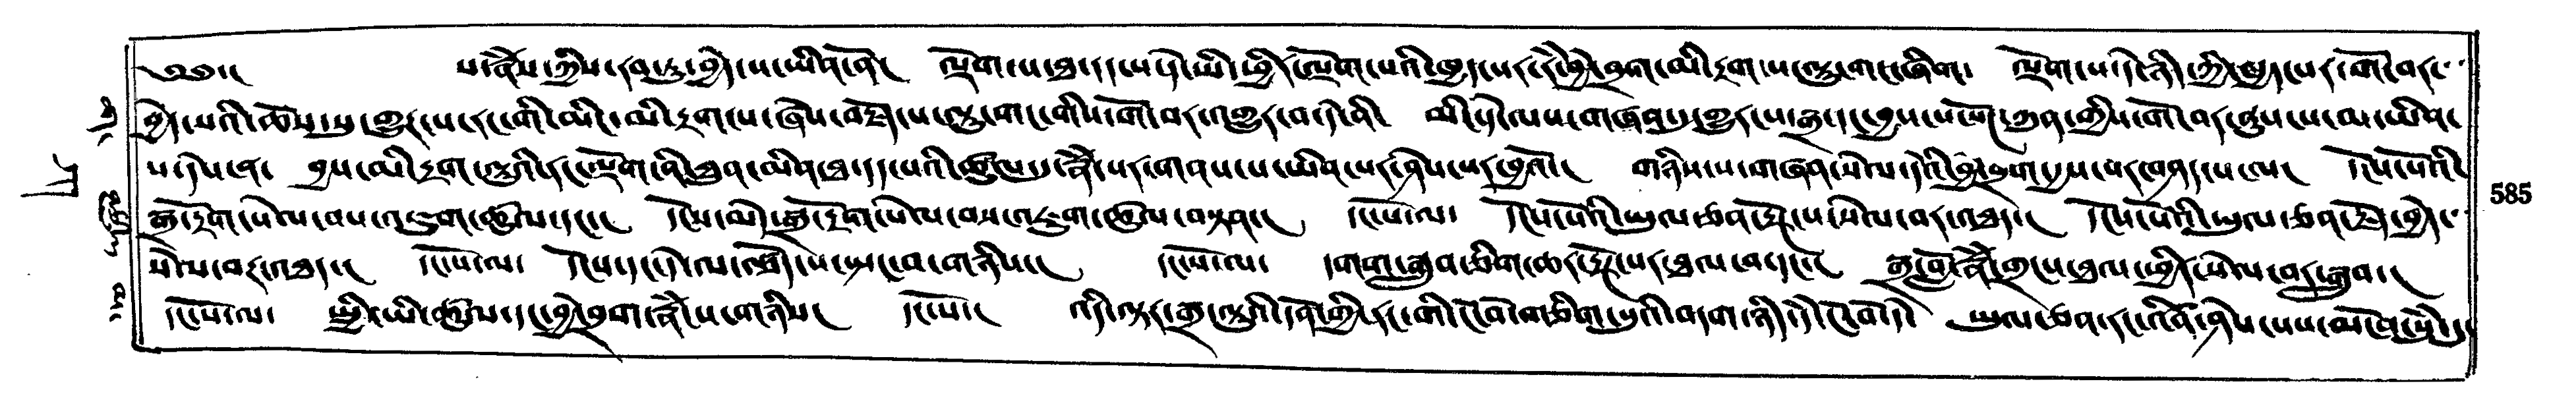པ་རྣམས་ཀྱིས་རབ་ཏུ་བྱེད་པ་ཡིན་ནོ།། ལྡོག་པ་ཐ་དད་པ་དེའི་ཕྱིར་ལྡོག་པའི་ཁྱད་པར་རམ་བྱེ་བྲག་མི་རྟག་པ་ལྟ་བུ་གང་ཞིག ལྡོག་པ་དེ་ཉིད་ཀྱི་ཁྱད་པར་གོ་བར་
བྱེད་པའི་ཆོས་སུ་གྱུར་པ་རང་གི་མིང་མི་རྟག་པ་ཞེས་བརྗོད་པ་ལྟ་བུ་གང་གིས་གོ་བར་འགྱུར་བ་དེ་ནི། མིང་དེ་ལས་གཞན་དུ་གྱུར་པ་སྒྲ་དང་བྱས་པ་སོགས་ཀུན་ཀྱི་གོ་བར་ནུས་པ་མ་ཡིན་
པ་དེས་ན། བྱས་མི་རྟག་ལྟ་བུའི་རང་ལྡོག་ནི་ཐུན་མིན་ཐ་དད་པའི་ཚུལ་དུ་རྣམ་པར་གནས་པ་ཡིན་པར་ཤེས་པར་བྱའོ།། གཉིས་པ་གཞན་སེལ་དེའི་བྱེ་བྲག་རྒྱས་པར་བཤད་པ་ལ། དངོས་པོའི་
སྒྲ་རྟོག་སེལ་བས་འཇུག་ཚུལ་དང་། །དངོས་མེད་སྒྲ་རྟོག་སེལ་བས་འཇུག་ཚུལ་བསྟན། །དང་པོ་ལ། དངོས་པོའི་ཡུལ་ཅན་རྟོག་པ་སེལ་བར་འཐད། །དངོས་པོའི་ཡུལ་ཅན་རྗོད་བྱེད་
སེལ་བར་འཐད། །དང་པོ་ལ། དངོས་དང་དེ་ལ་རྩོད་པ་སྤོང་བ་གཉིས། །དང་པོ་ལ། དགག་སྒྲུབ་ཅིག་ཆར་རྟོགས་པར་ཐལ་བ་དང་། སྒྲ་བློ་རྣམ་གྲངས་ཐལ་ཕྱིར་སེལ་བར་སྒྲུབ། །
དང་པོ་ལ། སྤྱི་ཡི་ཚུལ་དང་བྱེ་བྲག་རྣམ་པ་གཉིས། །དང་པོ། འདི་ལྟར་སྒྲ་ལྟ་བུའི་དོན་གྱི་རང་གི་ངོ་བོ་གཅིག་པུའི་བདག་ཉིད་དམ་ངོ་བོ་དེ། ཡུལ་ཅན་རང་འཛིན་ཤེས་པས་མངོན་སུམ་དུ་